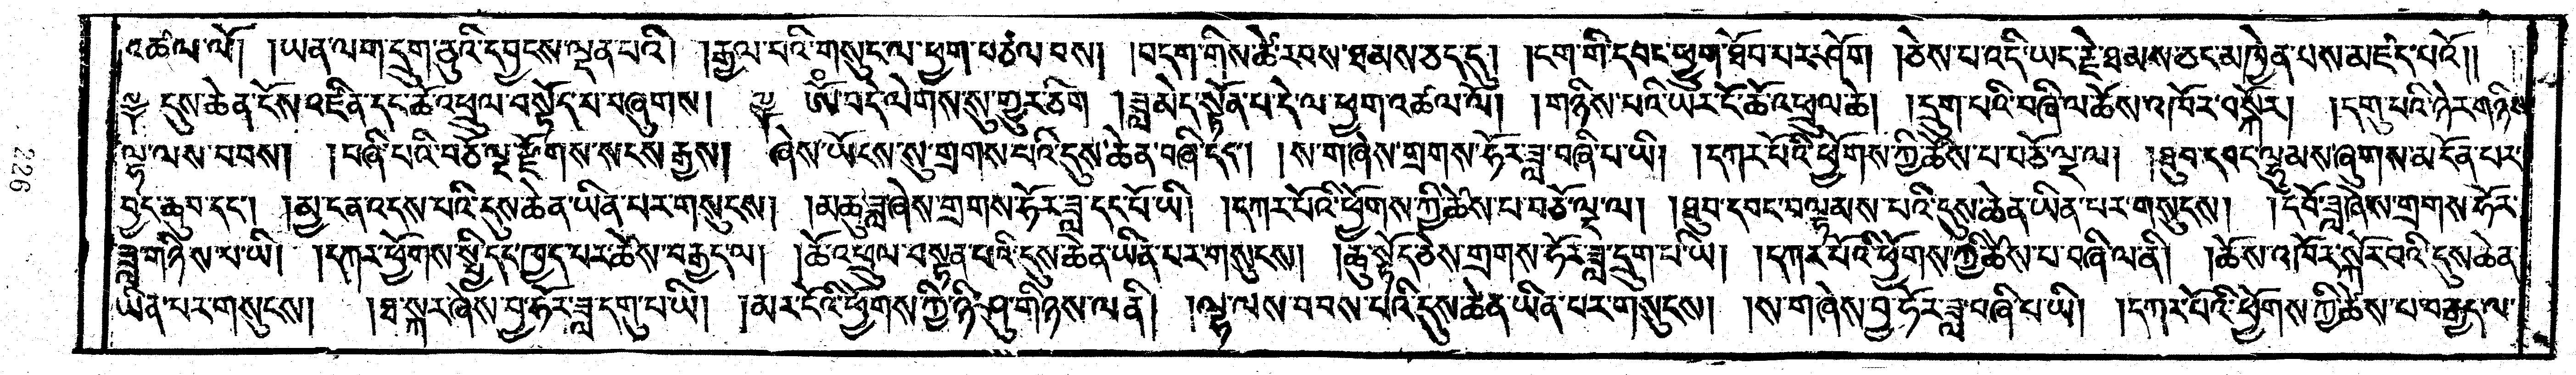༈ དུས་ཆེན་ངོས་འཛིན་དང་ཆོ་འཕྲུལ་བསྟོད་པ་བཞུགས། ༈ ཨོཾ་བདེ་ལེགས་སུ་གྱུར་ཅིག །ཟླ་མེད་སྟོན་པ་དེ་ལ་ཕྱག་འཚལ་ལོ། །གཉིས་པའི་ཡར་ངོ་ཆོ་འཕྲུལ་ཆེ། །དྲུག་པའི་བཞི་ལ་ཆོས་འཁོར་བསྐོར། །དགུ་པའི་ཉེར་གཉིས་
ལྷ་ལས་བབས། །བཞི་པའི་བཅོ་ལྔ་རྫོགས་སངས་རྒྱས། ཞེས་ཡོངས་སུ་གྲགས་པའི་དུས་ཆེན་བཞི་དད། །ས་ག་ཞེས་གྲགས་ཧོར་ཟླ་བཞི་པ་ཡི། །དཀར་པོའི་ཕྱོགས་ཀྱི་ཆོས་པ་བཅོ་ལྔ་ལ། །ཐུབ་དབང་ལྷུམས་ཞུགས་མངོན་པར་
བྱང་ཆུབ་དང་། །མྱ་ངན་འདས་པའི་དུས་ཆེན་ཡིན་པར་གསུངས། །མཆུ་ཟླ་ཞེས་གྲགས་ཧོར་ཟླ་དང་པོ་ཡི། །དཀར་པོའི་ཕྱོགས་ཀྱི་ཚེས་པ་བཅོ་ལྔ་ལ། །ཐུབ་དབང་བལྟམས་པའི་དུས་ཆེན་ཡིན་པར་གསུངས། །དབོ་ཟླ་ཞེས་གྲགས་ཧོར་
ཟླ་གཉིས་པ་ཡི། །དཀར་ཕྱོགས་སྤྱི་དང་ཁྱད་པར་ཚེས་བརྒྱད་ལ། །ཆོ་འཕྲུལ་བསྟན་པའི་དུས་ཆེན་ཡིན་པར་གསུངས། །ཆུ་སྟོད་ཅེས་གྲགས་ཧོར་ཟླ་དྲུག་པ་ཡི། །དཀར་པོའི་ཕྱོགས་ཀྱི་ཚེས་པ་བཞི་ལ་ནི། །ཆོས་འཁོར་སྐོར་བའི་དུས་ཆེན་
ཡིན་པར་གསུངས། །ཐ་སྐར་ཞེས་བྱ་ཧོར་ཟླ་དགུ་པ་ཡི། །མར་ངོའི་ཕྱོགས་ཀྱི་ཉི་ཤུ་གཉིས་ལ་ནི། །ལྷ་ལས་བབས་པའི་དུས་ཆེན་ཡིན་པར་གསུངས། །ས་གཞེས་བྱ་ཧོར་ཟླ་བཞི་པ་ཡི། །དཀར་པོའི་ཕྱོགས་ཀྱི་ཚེས་པ་བརྒྱད་ལ་